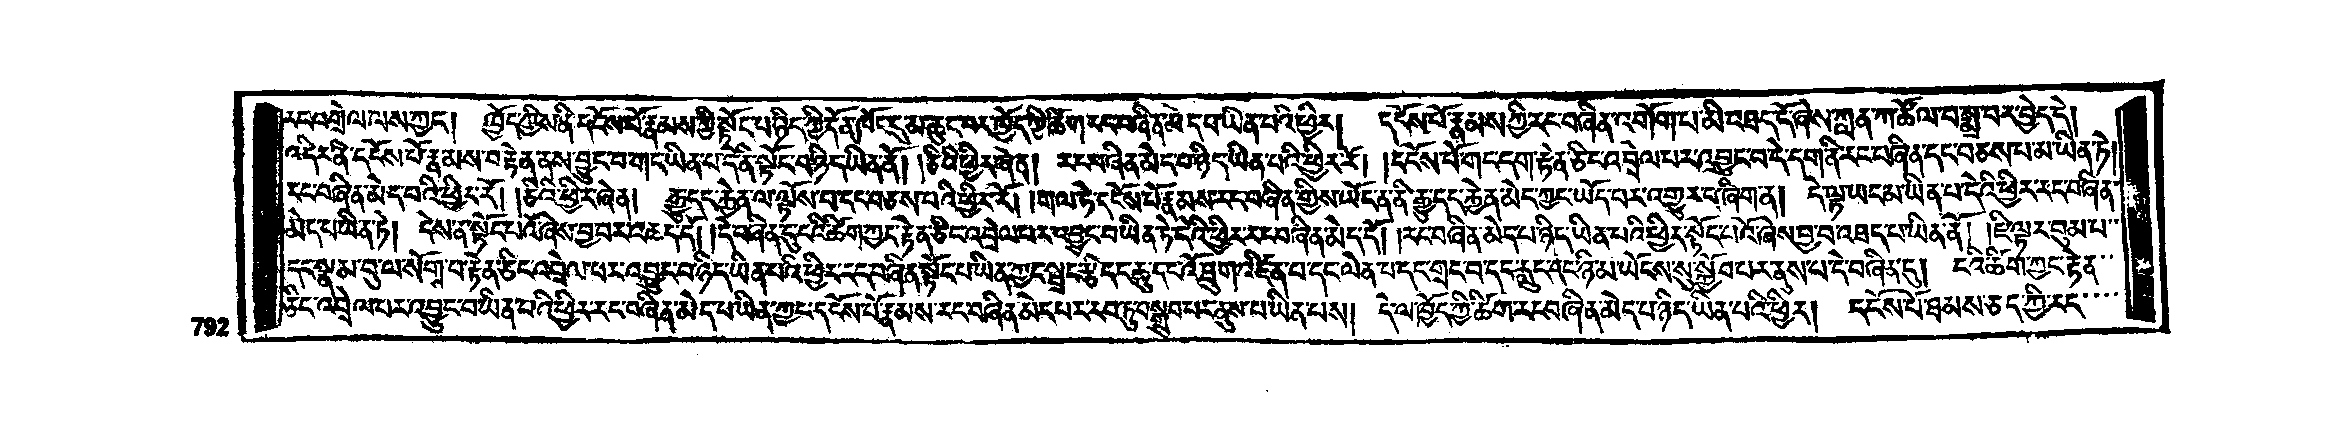རང་འགྲེལ་ལས་ཀྱང་། ཁྱོད་ཀྱིས་ནི་དངོས་པོ་རྣམས་ཀྱི་སྟོང་པ་ཉིད་ཀྱི་དོན་ཁོང་དུ་མཆུད་པར་ཁྱོད་ཀྱི་ཚིག་རང་བཞིན་མེད་པ་ཡིན་པའི་ཕྱིར། དངོས་པོ་རྣམས་ཀྱི་རང་བཞིན་འགོག་པ་མི་འཐད་དོ་ཞེས་ཀླན་ཀ་ཚོལ་བ་སྨྲ་བར་བྱེད་དེ།
འདིར་ནི་དངོས་པོ་རྣམས་བརྟེན་ནས་བྱུང་བ་གང་ཡིན་པ་དེ་ནི་སྟོང་པ་ཉིད་ཡིན་ནོ། །ཅིའི་ཕྱིར་ཞེ་ན། རང་བཞིན་མེད་པ་ཉིད་ཡིན་པའི་ཕྱིར་རོ། །དངོས་པོ་གང་དག་རྟེན་ཅིང་འབྲེལ་པར་འབྱུང་བ་དེ་དག་ནི་རང་བཞིན་དང་བཅས་པ་མ་ཡིན་ཏེ།
རང་བཞིན་མེད་པའི་ཕྱིར་རོ། །ཅིའི་ཕྱིར་ཞེ་ན། རྒྱུ་དང་རྐྱེན་ལ་ལྟོས་པ་དང་བཅས་པའི་ཕྱིར་རོ། །གལ་ཏེ་དངོས་པོ་རྣམས་རང་བཞིན་གྱིས་ཡོད་ན་ནི་རྒྱུ་དང་རྐྱེན་མེད་ཀྱང་ཡོད་པར་འགྱུར་བ་ཞིག་ན། དེ་ལྟ་ཡང་མ་ཡིན་པ་དེའི་ཕྱིར་རང་བཞིན་
མེད་པ་ཡིན་ཏེ། དེས་ན་སྟོང་པའོ་ཞེས་བྱ་བར་འཆད་དོ། །དེ་བཞིན་དུ་ངའི་ཚིག་ཀྱང་རྟེན་ཅིང་འབྲེལ་པར་འབྱུང་བ་ཡིན་ཏེ་དེའི་ཕྱིར་རང་བཞིན་མེད་དོ། །རང་བཞིན་མེད་པ་ཉིད་ཡིན་པའི་ཕྱིར་སྟོང་པའོ་ཞེས་བྱ་བ་འཐད་པ་ཡིན་ནོ། །ཇི་ལྟར་བུམ་པ་
དང་སྣམ་བུ་ལ་སོགས་པ་རྟེན་ཅིང་འབྲེལ་པར་འབྱུང་བ་ཉིད་ཡིན་པའི་ཕྱིར་རང་བཞིན་སྟོང་པ་ཡིན་ཀྱང་སྦྲང་རྩི་དང་ཆུ་དང་འོ་ཐུག་འཛིན་པ་དང་ལེན་པ་དང་གྲང་བ་དང་རླུང་དང་ཉི་མ་ཡོངས་སུ་སྐྱོབ་པར་ནུས་པ་དེ་བཞིན་དུ། ངའི་ཚིག་ཀྱང་རྟེན་
ཅིང་འབྲེལ་པར་འབྱུང་བ་ཡིན་པའི་ཕྱིར་རང་བཞིན་མེད་པ་ཡིན་ཀྱང་དངོས་པོ་རྣམས་རང་བཞིན་མེད་པར་རབ་ཏུ་བསྒྲུབ་པར་ནུས་པ་ཡིན་པས། དེ་ལ་ཁྱོད་ཀྱི་ཚིག་རང་བཞིན་མེད་པ་ཉིད་ཡིན་པའི་ཕྱིར། དངོས་པོ་ཐམས་ཅད་ཀྱི་རང་